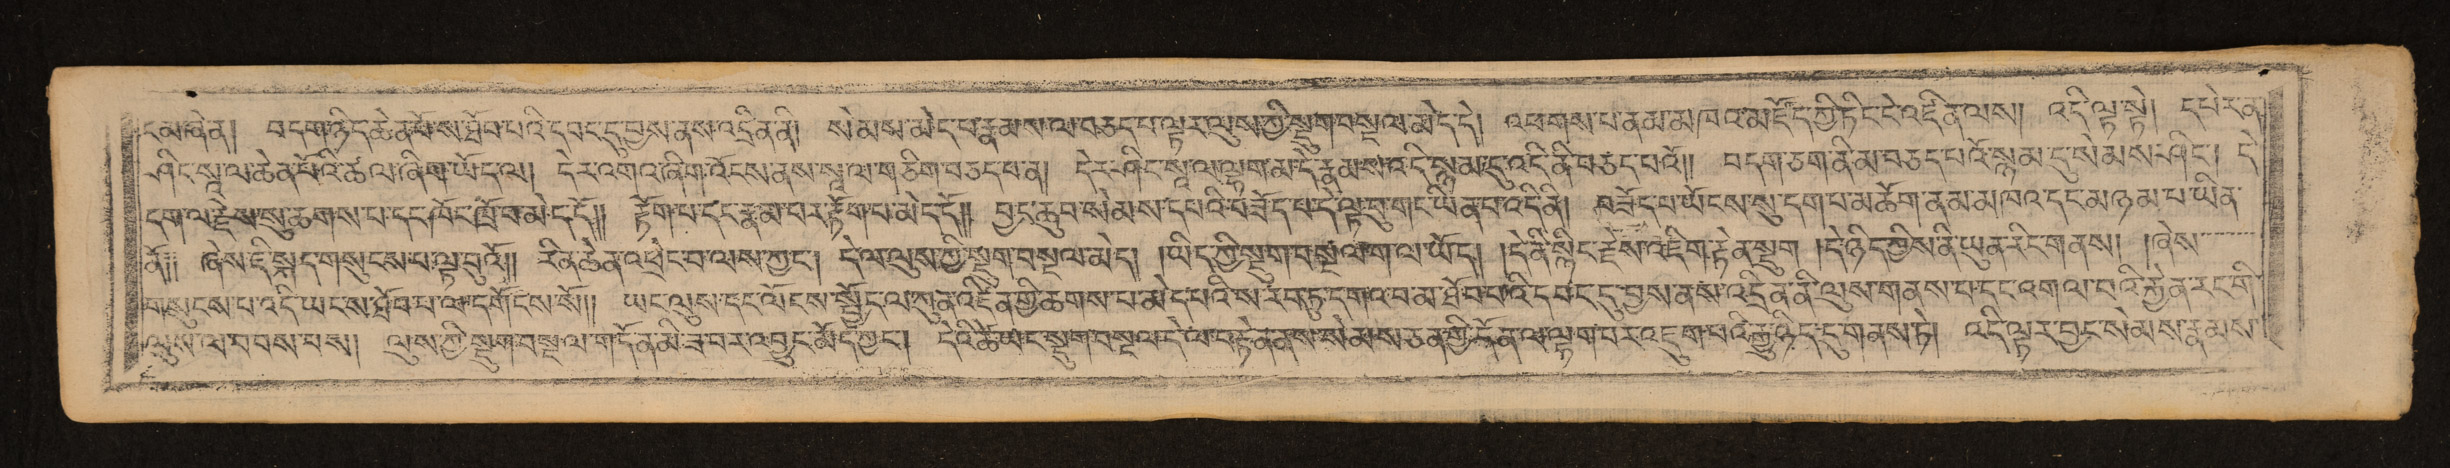ངམ་ཞེ་ན། བདག་ཉིད་ཆེན་པོས་ཐོབ་པའི་དབང་དུ་བྱས་ནས་འདྲི་ན་ནི། སེམས་མེད་པ་རྣམས་ལ་བཅད་པ་ལྟར་ལུས་ཀྱི་སྡུག་བསྔལ་མེད་དེ། འཕགས་པ་ནམ་མཁའ་མཛོད་ཀྱི་ཏིང་ངེ་འཛིན་ལས། འདི་ལྟ་སྟེ། དཔེར་ན་
ཤིང་སཱ་ལ་ཆེན་པོའི་ཚལ་ཞིག་ཡོད་ལ། དེར་འགའ་ཞིག་འོངས་ནས་སཱ་ལ་གཅིག་བཅད་པ་ན། དེར་ཤིང་སཱ་ལ་ལྷག་མ་དེ་རྣམས་འདི་སྙམ་དུ་འདི་ནི་བཅད་པའོ།། བདག་ཅག་ནི་མ་བཅད་པའོ་སྙམ་དུ་སེམས་ཤིང་། དེ་
དག་ལ་རྗེས་སུ་ཆགས་པ་དང་ཁོང་ཁྲོ་བ་མེད་དོ།། རྟོག་པ་དང་རྣམ་པར་རྟོག་པ་མེད་དོ།། བྱང་ཆུབ་སེམས་དཔའི་བཟོད་པ་དེ་ལྟ་བུ་གང་ཡིན་པ་འདི་ནི། བཟོད་པ་ཡོངས་སུ་དག་པ་མཆོག་ནམ་མཁའ་དང་མཉམ་པ་ཡིན་
ནོ།། ཞེས་ཇི་སྐད་གསུངས་པ་ལྟ་བུའོ།། རིན་ཆེན་འཕྲེང་བ་ལས་ཀྱང་། དེ་ལ་ལུས་ཀྱི་སྡུག་བསྔལ་མེད། །ཡིད་ཀྱི་སྡུག་བསྔལ་ག་ལ་ཡོད། །དེ་ནི་སྙིང་རྗེས་འཇིག་རྟེན་སྡུག །དེ་ཉིད་ཀྱིས་ནི་ཡུན་རིང་གནས། །ཞེས་
གསུངས་པ་འདི་ཡང་ས་ཐོབ་པ་ལ་དགོངས་སོ།། ཡང་ལུས་དང་ལོངས་སྤྱོད་ལ་ཀུན་འཛིན་གྱི་ཆགས་པ་མེད་པའི་ས་རབ་ཏུ་དགའ་བ་མ་ཐོབ་པའི་དབང་དུ་བྱས་ནས་འདྲི་ན་ནི་ལུས་གནས་པ་དང་འགལ་བའི་རྐྱེན་རང་གི་
ལུས་ལ་བབས་པས། ལུས་ཀྱི་སྡུག་བསྔལ་གདོན་མི་ཟ་བར་འབྱུང་མོད་ཀྱང་། དེའི་ཚེ་ཡང་སྡུག་བསྔལ་དེ་ལ་བརྟེན་ནས་སེམས་ཅན་གྱི་དོན་ལ་ལྷག་པར་འཇུག་པའི་རྒྱུ་ཉིད་དུ་གནས་ཏེ། འདི་ལྟར་བྱང་སེམས་རྣམས་